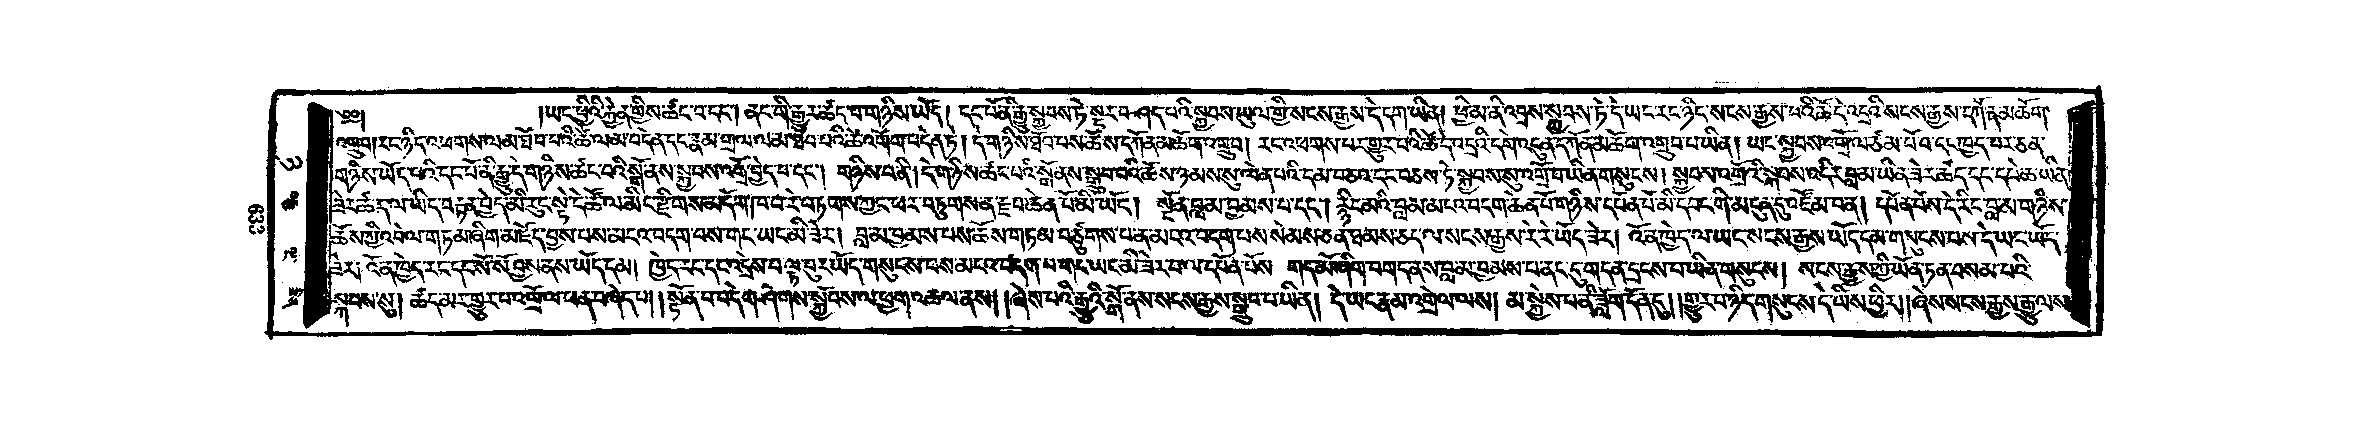༄༅། །ཡང་ཕྱིའི་རྐྱེན་གྱིས་ཚང་བ་དང་། ནང་གི་རྒྱུར་ཚད་པ་གཉིས་ཡོད། དང་པོ་ནི་རྒྱུ་སྐྱབས་ཏེ་སྔར་བཤད་པའི་སྐྱབས་ཡུལ་གྱི་སངས་རྒྱས་དེ་དག་ཡིན། ཕྱི་མ་ནི་འབྲས་སྐྱབས་ཏེ་དེ་ཡང་རང་ཉིད་སངས་རྒྱས་པའི་ཚེ་དེ་འདྲའི་སངས་རྒྱས་དཀོན་མཆོག་
འགྲུབ། རང་ཉིད་འཕགས་ལམ་ཐོབ་པའི་ཚེ་ལམ་བདེན་དང་རྣམ་གྲལ་ལམ་ཐོབ་པའི་ཚེ་འགོག་བདེན་ཏེ། དེ་གཉིས་ཐོབ་པས་ཆོས་དཀོན་མཆོག་འགྲུབ། རང་འཕགས་པར་གྱུར་པའི་ཚེ་དེ་འདྲའི་དགེ་འདུན་དཀོན་མཆོག་འགྲུབ་པ་ཡིན། ཡང་སྐྱབས་འགྲོ་ལ་ཙམ་པོ་བ་དང་ཁྱད་པར་ཅན་
གཉིས་ཡོད་པའི་དང་པོ་ནི་རྒྱུ་དེ་གཉིས་ཚང་བའི་སྒོ་ནས་སྐྱབས་འགྲོ་བྱེད་པ་དང་། གཉིས་པ་ནི། དེ་གཉིས་ཚང་པའི་སྒོ་ནས་སྒྲུབ་པའི་ཆོས་ཉམས་སུ་ལེན་པའི་དམ་བཅའ་དང་བཅས་ཏེ་སྐྱབས་སུ་འགྲོ་བ་ཡིན་གསུངས། སྐྱབས་འགྲོའི་སྐབས་འདིར་བླ་མ་ཡིན་ཟེར་ཚད་དང་དཔེ་ཆ་ཡིན་
ཟེར་ཚད་ལ་ཡིད་བརྟན་བྱེད་མི་རུང་སྟེ་དེ་ཚོ་ལ་མིང་རྫིགས་མདོག་ཁ་བ་རེ་བཏགས་ཀྱང་ཕར་བཏུགས་ན་རྫབ་ཆེན་པོ་མི་ཡོང་། སྔོན་བླ་མ་བྱམས་པ་དང་། རྙིང་མའི་བླ་མ་མངའ་བདག་ཆེན་པོ་གཉིས་དཔོན་པོ་མི་དབང་གི་མདུན་དུ་འཛོམ་པ་ན། དཔོན་པོས་དེ་རིང་བླ་མ་གཉིས་
ཆོས་ཀྱི་འབེལ་གཏམ་ཞིག་མཛོད་བྱས་པས་མངའ་བདག་པས་གང་ཡང་མི་ཟེར། བླ་མ་བྱམས་པས་ཆོས་གཏམ་བཙུགས་པ་ན་མངའ་བདག་པས་སེམས་ཅན་ཐམས་ཅད་ལ་སངས་རྒྱས་རེ་རེ་ཡོད་ཟེར། འོ་ན་ཁྱེད་ལ་ཡང་སངས་རྒྱས་ཡོད་དམ་གསུངས་པས་དེ་ཡང་ཡོད་
ཟེར། འོ་ན་ཁྱེད་རང་དང་སོ་སོ་བྱས་ནས་ཡོད་དམ། ཁྱེད་རང་དང་འདྲེས་པ་ལྟ་བུར་ཡོད་གསུངས་པས་མངའ་བདག་པ་གང་ཡང་མི་ཟེར་བ་ལ་དཔོན་པོས། གད་མོ་ཞིག་བགད་ནས་བླ་མ་བྱམས་པ་ནང་དུ་གདན་དྲངས་པ་ཡིན་གསུངས། སངས་རྒྱས་ཀྱི་ཡོན་ཏན་བསམ་པའི་
སྐབས་སུ། ཚད་མར་གྱུར་པ་འགྲོ་ལ་ཕན་བཞེད་པ། །སྟོན་པ་བདེ་གཤེགས་སྐྱོབས་ལ་ཕྱག་འཚལ་ནས། །ཞེས་པའི་རྒྱུའི་སྒོ་ནས་སངས་རྒྱས་སྒྲུབ་པ་ཡིན། དེ་ཡང་རྣམ་འགྲེལ་ལས། མ་སྐྱེས་པ་ནི་ཟློག་དོན་དུ། །གྱུར་པ་ཉིད་གསུངས་དེ་ཡིས་ཕྱིར། །ཞེས་སངས་རྒྱས་རྒྱུ་ལས་